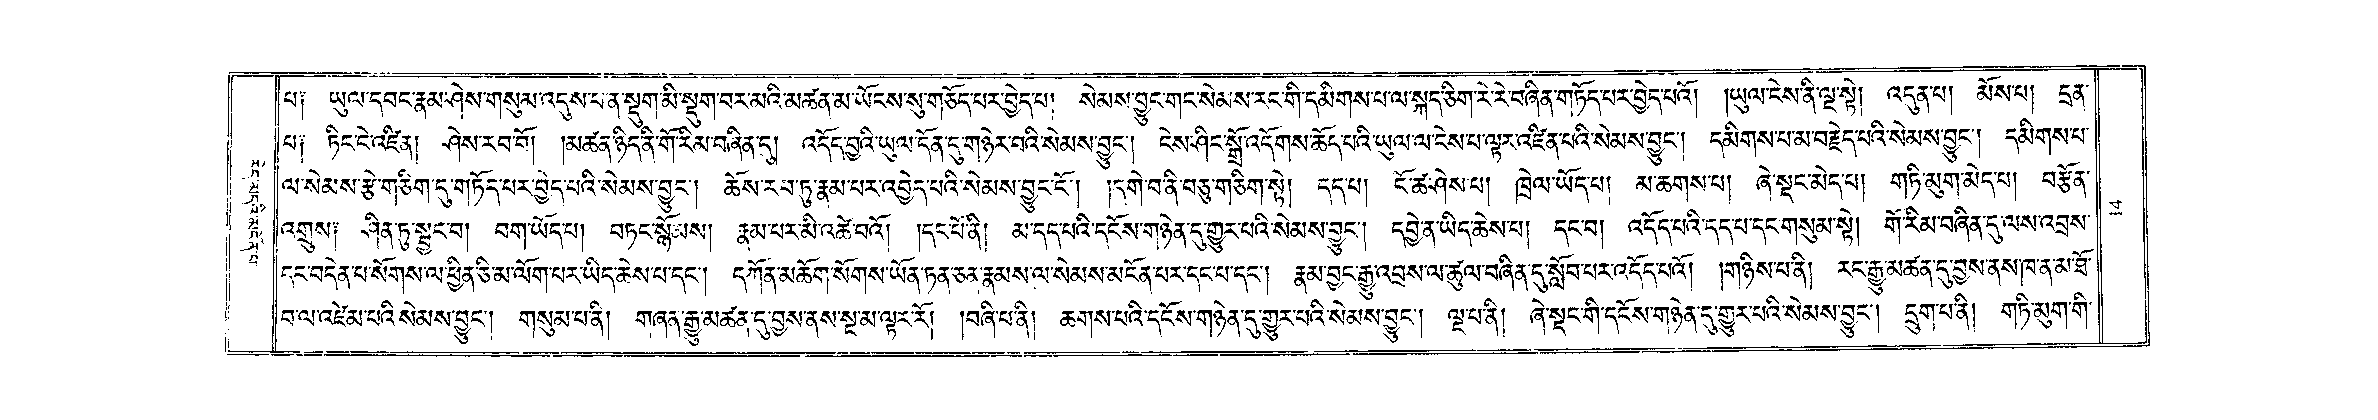པ༑ ཡུལ་དབང་རྣམ་ཤེས་གསུམ་འདུས་པ་ན་སྡུག་མི་སྡུག་བར་མའི་མཚན་མ་ཡོངས་སུ་གཅོད་པར་བྱེད་པ། སེམས་བྱུང་གང་སེམས་རང་གི་དམིགས་པ་ལ་སྐད་ཅིག་རེ་རེ་བཞིན་གཏོད་པར་བྱེད་པའོ། །ཡུལ་ངེས་ནི་ལྔ་སྟེ། འདུན་པ། མོས་པ། དྲན་
པ༑ ཏིང་ངེ་འཛིན། ཤེས་རབ་བོ། །མཚན་ཉིད་ནི་གོ་རིམ་བཞིན་དུ། འདོད་བྱའི་ཡུལ་དོན་དུ་གཉེར་བའི་སེམས་བྱུང་། ངེས་ཤིང་སྒྲོ་འདོགས་ཆོད་པའི་ཡུལ་ལ་ངེས་པ་ལྟར་འཛིན་པའི་སེམས་བྱུང་། དམིགས་པ་མ་བརྗེད་པའི་སེམས་བྱུང་། དམིགས་པ་
ལ་སེམས་རྩེ་གཅིག་དུ་གཏོད་པར་བྱེད་པའི་སེམས་བྱུང་། ཆོས་རབ་ཏུ་རྣམ་པར་འབྱེད་པའི་སེམས་བྱུང་ངོ། །དགེ་བ་ནི་བཅུ་གཅིག་སྟེ། དད་པ། ངོ་ཚ་ཤེས་པ། ཁྲེལ་ཡོད་པ། མ་ཆགས་པ། ཞེ་སྡང་མེད་པ། གཏི་མུག་མེད་པ། བརྩོན་
འགྲུས༑ ཤིན་ཏུ་སྦྱང་བ། བག་ཡོད་པ། བཏང་སྙོམས། རྣམ་པར་མི་འཚེ་བའོ། །དང་པོ་ནི། མ་དད་པའི་དངོས་གཉེན་དུ་གྱུར་པའི་སེམས་བྱུང་། དབྱེ་ན་ཡིད་ཆེས་པ། དང་བ། འདོད་པའི་དད་པ་དང་གསུམ་སྟེ། གོ་རིམ་བཞིན་དུ་ལས་འབྲས་
དང་བདེན་པ་སོགས་ལ་ཕྱིན་ཅི་མ་ལོག་པར་ཡིད་ཆེས་པ་དང་། དཀོན་མཆོག་སོགས་ཡོན་ཏན་ཅན་རྣམས་ལ་སེམས་མངོན་པར་དང་པ་དང་། རྣམ་བྱང་རྒྱུ་འབྲས་ལ་ཚུལ་བཞིན་དུ་སློབ་པར་འདོད་པའོ། །གཉིས་པ་ནི། རང་རྒྱུ་མཚན་དུ་བྱས་ནས་ཁ་ན་མ་ཐོ་
བ་ལ་འཛེམ་པའི་སེམས་བྱུང་། གསུམ་པ་ནི། གཞན་རྒྱུ་མཚན་དུ་བྱས་ནས་སྔ་མ་ལྟར་རོ། །བཞི་པ་ནི། ཆགས་པའི་དངོས་གཉེན་དུ་གྱུར་པའི་སེམས་བྱུང་། ལྔ་པ་ནི། ཞེ་སྡང་གི་དངོས་གཉེན་དུ་གྱུར་པའི་སེམས་བྱུང་། དྲུག་པ་ནི། གཏི་མུག་གི་